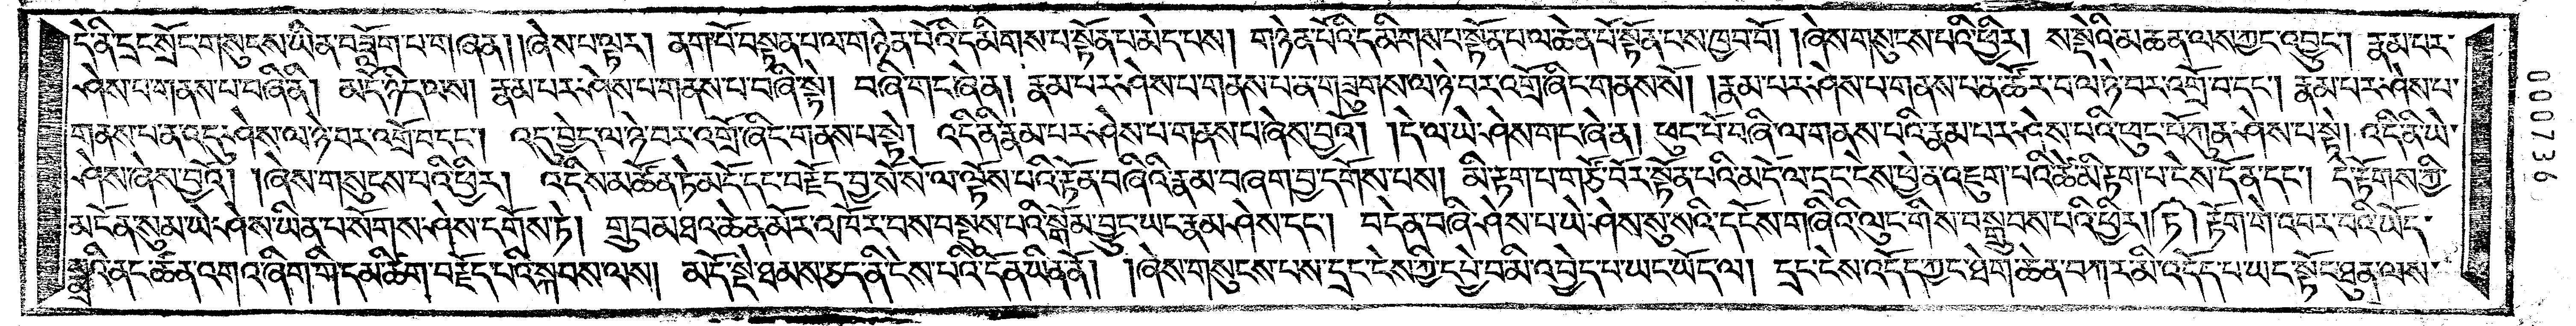དེ་ནི་དྲང་སྲོང་གསུངས་ཡིན་བཟློག་པ་གཞན། །ཞེས་པ་ལྟར། ནག་པོ་བསྟན་པ་ལ་གཉེན་པོའི་དམིགས་པ་སྟོན་པ་མེད་པས། གཉེན་པོའི་དམིགས་པ་སྟོན་པ་ལ་ཆེན་པོ་སྟོན་པས་ཁྱབ་བོ། །ཞེས་གསུངས་པའི་ཕྱིར། ས་སྡེའི་མཚན་ལས་ཀྱང་འབྱུང་། རྣམ་པར་
ཤེས་པ་གནས་པ་བཞི་ནི། མདོ་ཉིད་ལས། རྣམ་པར་ཤེས་པ་གནས་པ་བཞི་སྟེ། བཞི་གང་ཞེ་ན། རྣམ་པར་ཤེས་པ་གནས་པ་ན་གཟུགས་ལ་ཉེ་བར་འགྲོ་ཞིང་གནས་སོ། །རྣམ་པར་ཤེས་པ་གནས་པ་ན་ཚོར་བ་ལ་ཉེ་བར་འགྲོ་བ་དང་། རྣམ་པར་ཤེས་པ་
གནས་པ་ན་འདུ་ཤེས་ལ་ཉེ་བར་འགྲོ་བ་དང་། འདུ་བྱེད་ལ་ཉེ་བར་འགྲོ་ཞིང་གནས་པ་སྟེ། འདི་ནི་རྣམ་པར་ཤེས་པ་གནས་པ་ཞེས་བྱའོ། །དེ་ལ་ཡེ་ཤེས་གང་ཞེ་ན། ཕུང་པོ་བཞི་ལ་གནས་པའི་རྣམ་པར་ཤེས་པའི་ཕུང་པོ་ཀུན་ཤེས་པ་སྟེ། འདི་ནི་ཡེ་
ཤེས་ཞེས་བྱའོ། །ཞེས་གསུངས་པའི་ཕྱིར། འདིས་མཚོན་ཏེ་མདོ་དང་བརྗོད་བྱ་སོ་སོ་ལ་ལྟོས་པའི་རྟོན་བཞིའི་རྣམ་བཞག་བྱ་དགོས་པས། མི་རྟག་པ་གཙོ་བོར་སྟོན་པའི་མདོ་ལ་དྲང་ངེས་ཕྱེ་ན་འཇུག་པའི་ཚེ་མི་རྟག་པ་ངེས་དོན་དང་། དེ་རྟོགས་ཀྱི་
མངོན་སུམ་ཡེ་ཤེས་ཡིན་པ་སོགས་ཤེས་དགོས་ཏེ། གྲུབ་མཐའ་ཆེན་མོར་འཁོར་བས་བསྡུས་པའི་སྒོམ་བྱུང་ཡང་རྣམ་ཤེས་དང་། བདེན་བཞི་ཤེས་པ་ཡེ་ཤེས་སུ་སའི་དངོས་གཞིའི་ལུང་གིས་བསྒྲུབས་པའི་ཕྱིར། ༼ཏ༽ རྟོག་གེ་འབར་བའི་ཡོད་པ་
སྨྲའི་ནང་ཚན་འགའ་ཞིག་གི་དམ་ཚིག་བརྗོད་པའི་སྐབས་ལས། མདོ་སྡེ་ཐམས་ཅད་ནི་ངེས་པའི་དོན་ཡིན་ནོ། །ཞེས་གསུངས་པས་དྲང་ངེས་ཀྱི་དབྱེ་བ་མི་འབྱེད་པ་ཡང་ཡོད་ལ། དྲང་ངེས་འདོད་ཀྱང་ཐེག་ཆེན་བཀར་མི་འདོད་པ་ཡང་སྟོང་ཐུན་ལས་